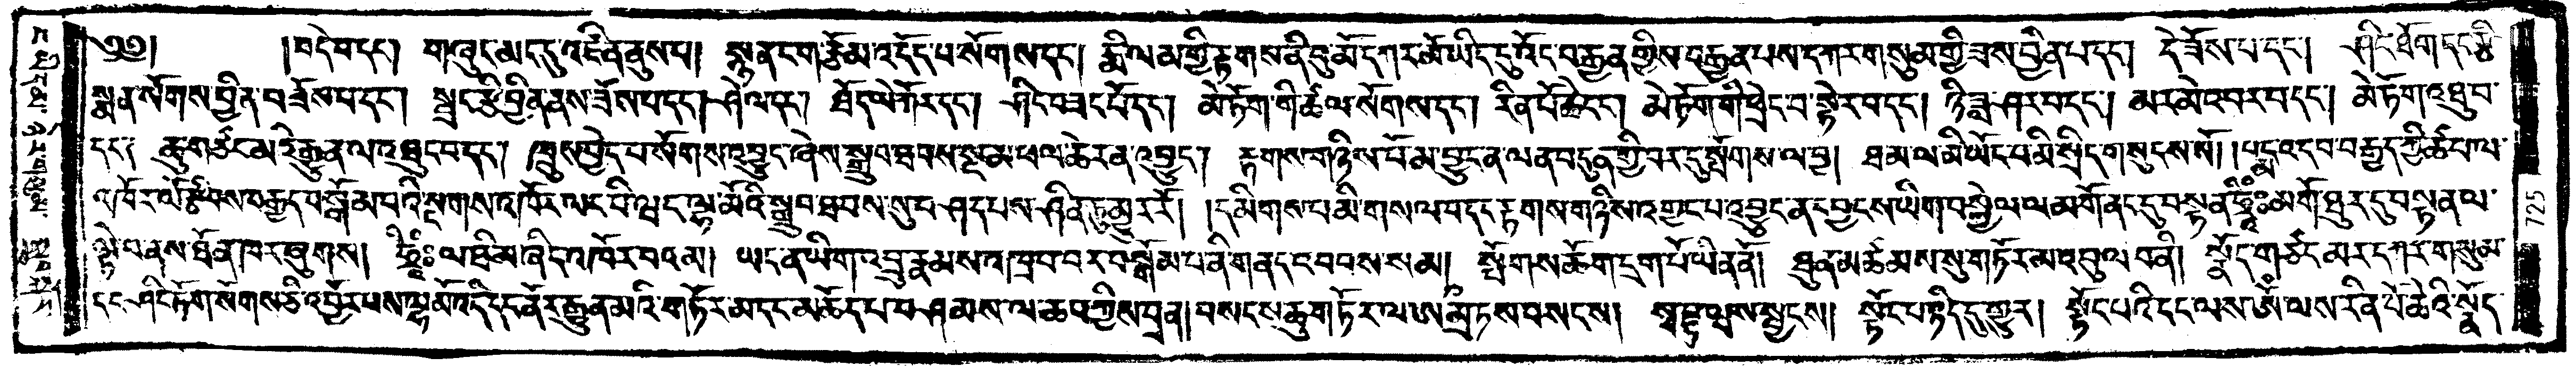༄༅། །བདེ་བ་དང་། གཞུང་མང་དུ་འཛིན་ནུས་པ། སྙན་ངག་རྩོམ་འདོད་པ་སོགས་དང་། རྨི་ལམ་གྱི་རྟགས་ནི་བུ་མོ་དཀར་མོ་ཡིད་དུ་འོང་བརྒྱན་གྱིས་བརྒྱན་པས་དཀར་གསུམ་གྱི་ཟས་བྱེན་པ་དང་། དེ་ཟོས་པ་དང་། ཤིང་ཐོག་དང་རྩི་
སྨན་སོགས་བྱིན་བཟོས་པ་དང་། སྦྲང་རྩི་བྱིན་ནས་ཟོས་པ་དང་། ཤེལ་དང་། ཐོད་ལེ་ཀོར་དང་། ཤིང་བཟང་པོ་དང་། མེ་ཏོག་གི་ཚལ་སོགས་དང་། རིན་པོ་ཆེ་དང་། མེ་ཏོག་གི་ཕྲེང་བ་སྙེར་བ་དང་། ཉི་ཟླ་ཤར་བ་དང་། མར་མེ་འབར་བ་དང་། མེ་ཏོག་འཐུ་བ་
དང༑ ཆུ་གཙང་མའི་རྒྱུན་ལ་འཐུང་བ་དང་། ཁྲུས་བྱེད་པ་སོགས་འབྱུང་ཞེས་སྒྲུབ་ཐབས་སྔ་མ་ཕལ་ཆེར་ན་འབྱུང་། རྟགས་གཉིས་པོ་མ་བྱུང་ན་ལན་བདུན་གྱི་བར་དུ་སྤོགས་ལ་བྱ། ཐ་མ་ལ་མི་ཡོང་པ་མི་སྲིད་གསུངས་སོ། །པདམ་འདབ་བརྒྱད་ཀྱི་ཚབ་ལ་
འཁོར་ལོ་རྩིབས་བརྒྱད་བསྒོམ་པའི་སྔགས་འཁོར་ཡང་པི་ཝང་ལྷ་མོའི་སྒྲུབ་ཐབས་སུ་བཤད་པས་ཤིན་ཏུ་མྱུར་རོ། །དམིགས་པ་མི་གསལ་བ་དང་རྟགས་གཉིས་འགྱང་པ་འབྱུང་ན་དབྱངས་ཡིག་བསྐྱེལ་ལ་མགོན་དུ་བསྟན་ཧྲཱིཿ མགོ་ཐུར་དུ་བསྟན་ལ་
ལྟེ་བ་ནས་ཐོན་ཁར་ཞུགས། ཧྲཱིཿ ལ་ཐིམ་ཞིད་འཁོར་བའམ། ཡང་ན་ཡིག་འབྲུ་རྣམས་འཁྲབ་པར་བསྒོམ་པ་ནི་གནད་འབབས་སམ། སྤོགས་ཆོག་དྲག་པོ་ཡིན་ནོ། ཐུན་མཚམས་སུ་གཏོར་མ་འབུལ་བ་ནི། སྣོད་གཙང་མར་དཀར་གསུམ་
དང་ཤིང་ཏོག་སོགས་ཅི་འབྱོར་པས་ལྷ་མོ་འདི་དང་ནོར་རྒྱུན་མའི་གཏོང་མ་དང་མཆོད་པ་བཤམས་ལ་ཆབ་ཀྱིས་བྲན། བསངས་ཆུ་གཏོར་ལ་ཨྀ་མྲ་ཏས་བསངས། སྭ་བྷཱ་ཝས་སྤྱངས། སྟོང་པ་ཉིད་དུ་གྱུར། སྟོང་པའི་དང་ལས་ཨོཾ་ལས་རིན་པོ་ཆེའི་རྣོད་